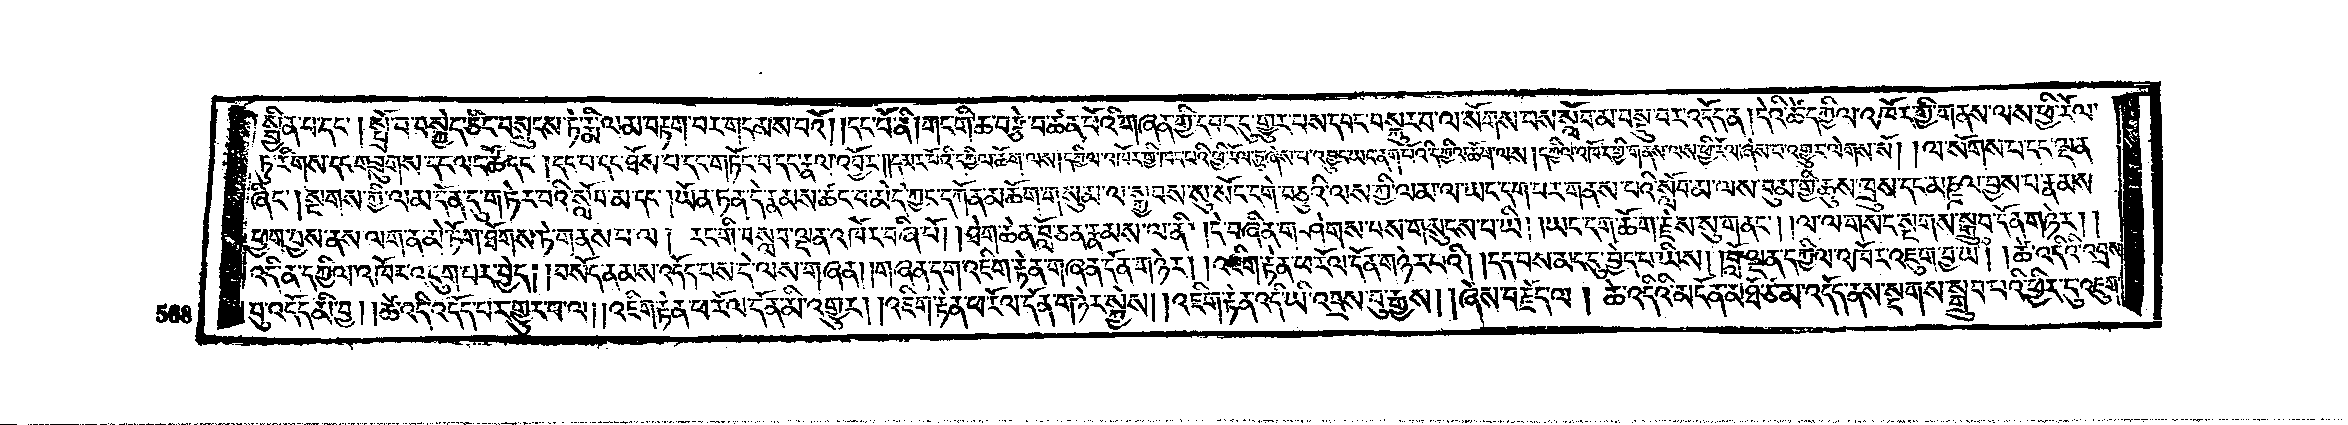སྦྱིན་པ་དང་། སྤྲོ་བ་བསྐྱེད་ཅིང་བསྲུངས་ཏེ་རྨི་ལམ་བརྟག་པར་གདམས་པའོ། །དང་པོ་ནི། གང་གི་ཆ་བརྩེ་བ་ཆེན་པོའི་གཞན་གྱི་དབང་དུ་གྱུར་པས་དབང་བསྐུར་བ་ལ་སོགས་པས་སློབ་མ་བསྡུ་བར་འདོད་ན། དེའི་ཚེ་དཀྱིལ་འཁོར་གྱི་གནས་ལས་ཕྱི་རོལ་
ཏུ་རིགས་དང་གཟུགས་དང་ལང་ཚོ་དང་། དང་པ་དང་ཐོས་པ་དང་གཏོང་བ་དང་རྣལ་འབྱོར། །དམར་པོའི་དཀྱིལ་ཆོག་ལས། དཀྱིལ་འཁོར་གྱི་ཁང་པའི་ཕྱི་རོལ་ཏུ་ཞེས་པ་འབྱུང་ཡང་ནག་པོའི་དཀྱིལ་ཆོག་ལས། དཀྱིལ་འཁོར་གྱི་གནས་ལས་ཕྱི་རོལ་ཞེས་པ་འགྱུར་ལེགས་སོ། །ལ་སོགས་པ་དང་ལྡན་
ཞིང་། སྔགས་ཀྱི་ལམ་དོན་དུ་གཏེར་བའི་སློབ་མ་དང་། ཡོན་ཏན་དེ་རྣམས་ཚང་བ་མེད་ཀྱང་དཀོན་མཆོག་གསུམ་ལ་སྐྱབས་སུ་སོང་དགེ་བཅུའི་ལས་ཀྱི་ལམ་ལ་ཡང་དག་པར་གནས་པའི་སློབ་མ་ལས་བུམ་གྱི་ཆུས་ཁྲུས་དང་མཎྜལ་བྱས་པ་རྣམས་
ཕྱག་བྱས་ནས་ལག་ན་མེ་ཏོག་ཐོགས་ཏེ་གནས་པ་ལ། རང་གི་བསླབ་ལྡན་འཁོར་བཞི་པོ། །ཐེག་ཆེན་བློ་ཅན་རྣམས་ལ་ནི། །དེ་བཞིན་གཤེགས་པས་གསུངས་པ་ཡི། །ཡང་དག་ཆོ་ག་རྗེས་སུ་གནང་། །ལ་ལ་གསང་སྔགས་སྒྲུབ་དོན་གཉེར། །
འདི་ན་དཀྱིལ་འཁོར་འཇུག་པར་བྱེད། །བསོད་ནམས་འདོད་པས་དེ་ལས་གཞན། །གཞན་དག་འཇིག་རྟེན་གཞན་དོན་གཉེར། །འཇིག་རྟེན་ཕ་རོལ་དོན་གཉེར་བའི། །དད་པས་མང་དུ་བྱེད་པ་ཡིས། །བློ་ལྡན་དཀྱིལ་འཁོར་འཇུག་བྱ་ཡཾ། །ཚེ་འདིའི་འབྲས་
བུ་འདོད་མི་བྱ། །ཚེ་འདི་འདོད་པར་གྱུར་པ་ལ། །འཇིག་རྟེན་ཕ་རོལ་དོན་མི་འགྱུར། །འཇིག་རྟེན་ཕ་རོལ་དོན་གཉེར་སྐྱེས། །འཇིག་རྟེན་འདི་ཡི་འབྲས་བུ་རྒྱས། །ཞེས་བརྗོད་ལ། ཚེ་འདིའི་མངོན་མཐོ་ཙམ་འདོད་ནས་སྔགས་སྒྲུབ་པའི་ཕྱིར་དུ་འཇུག་